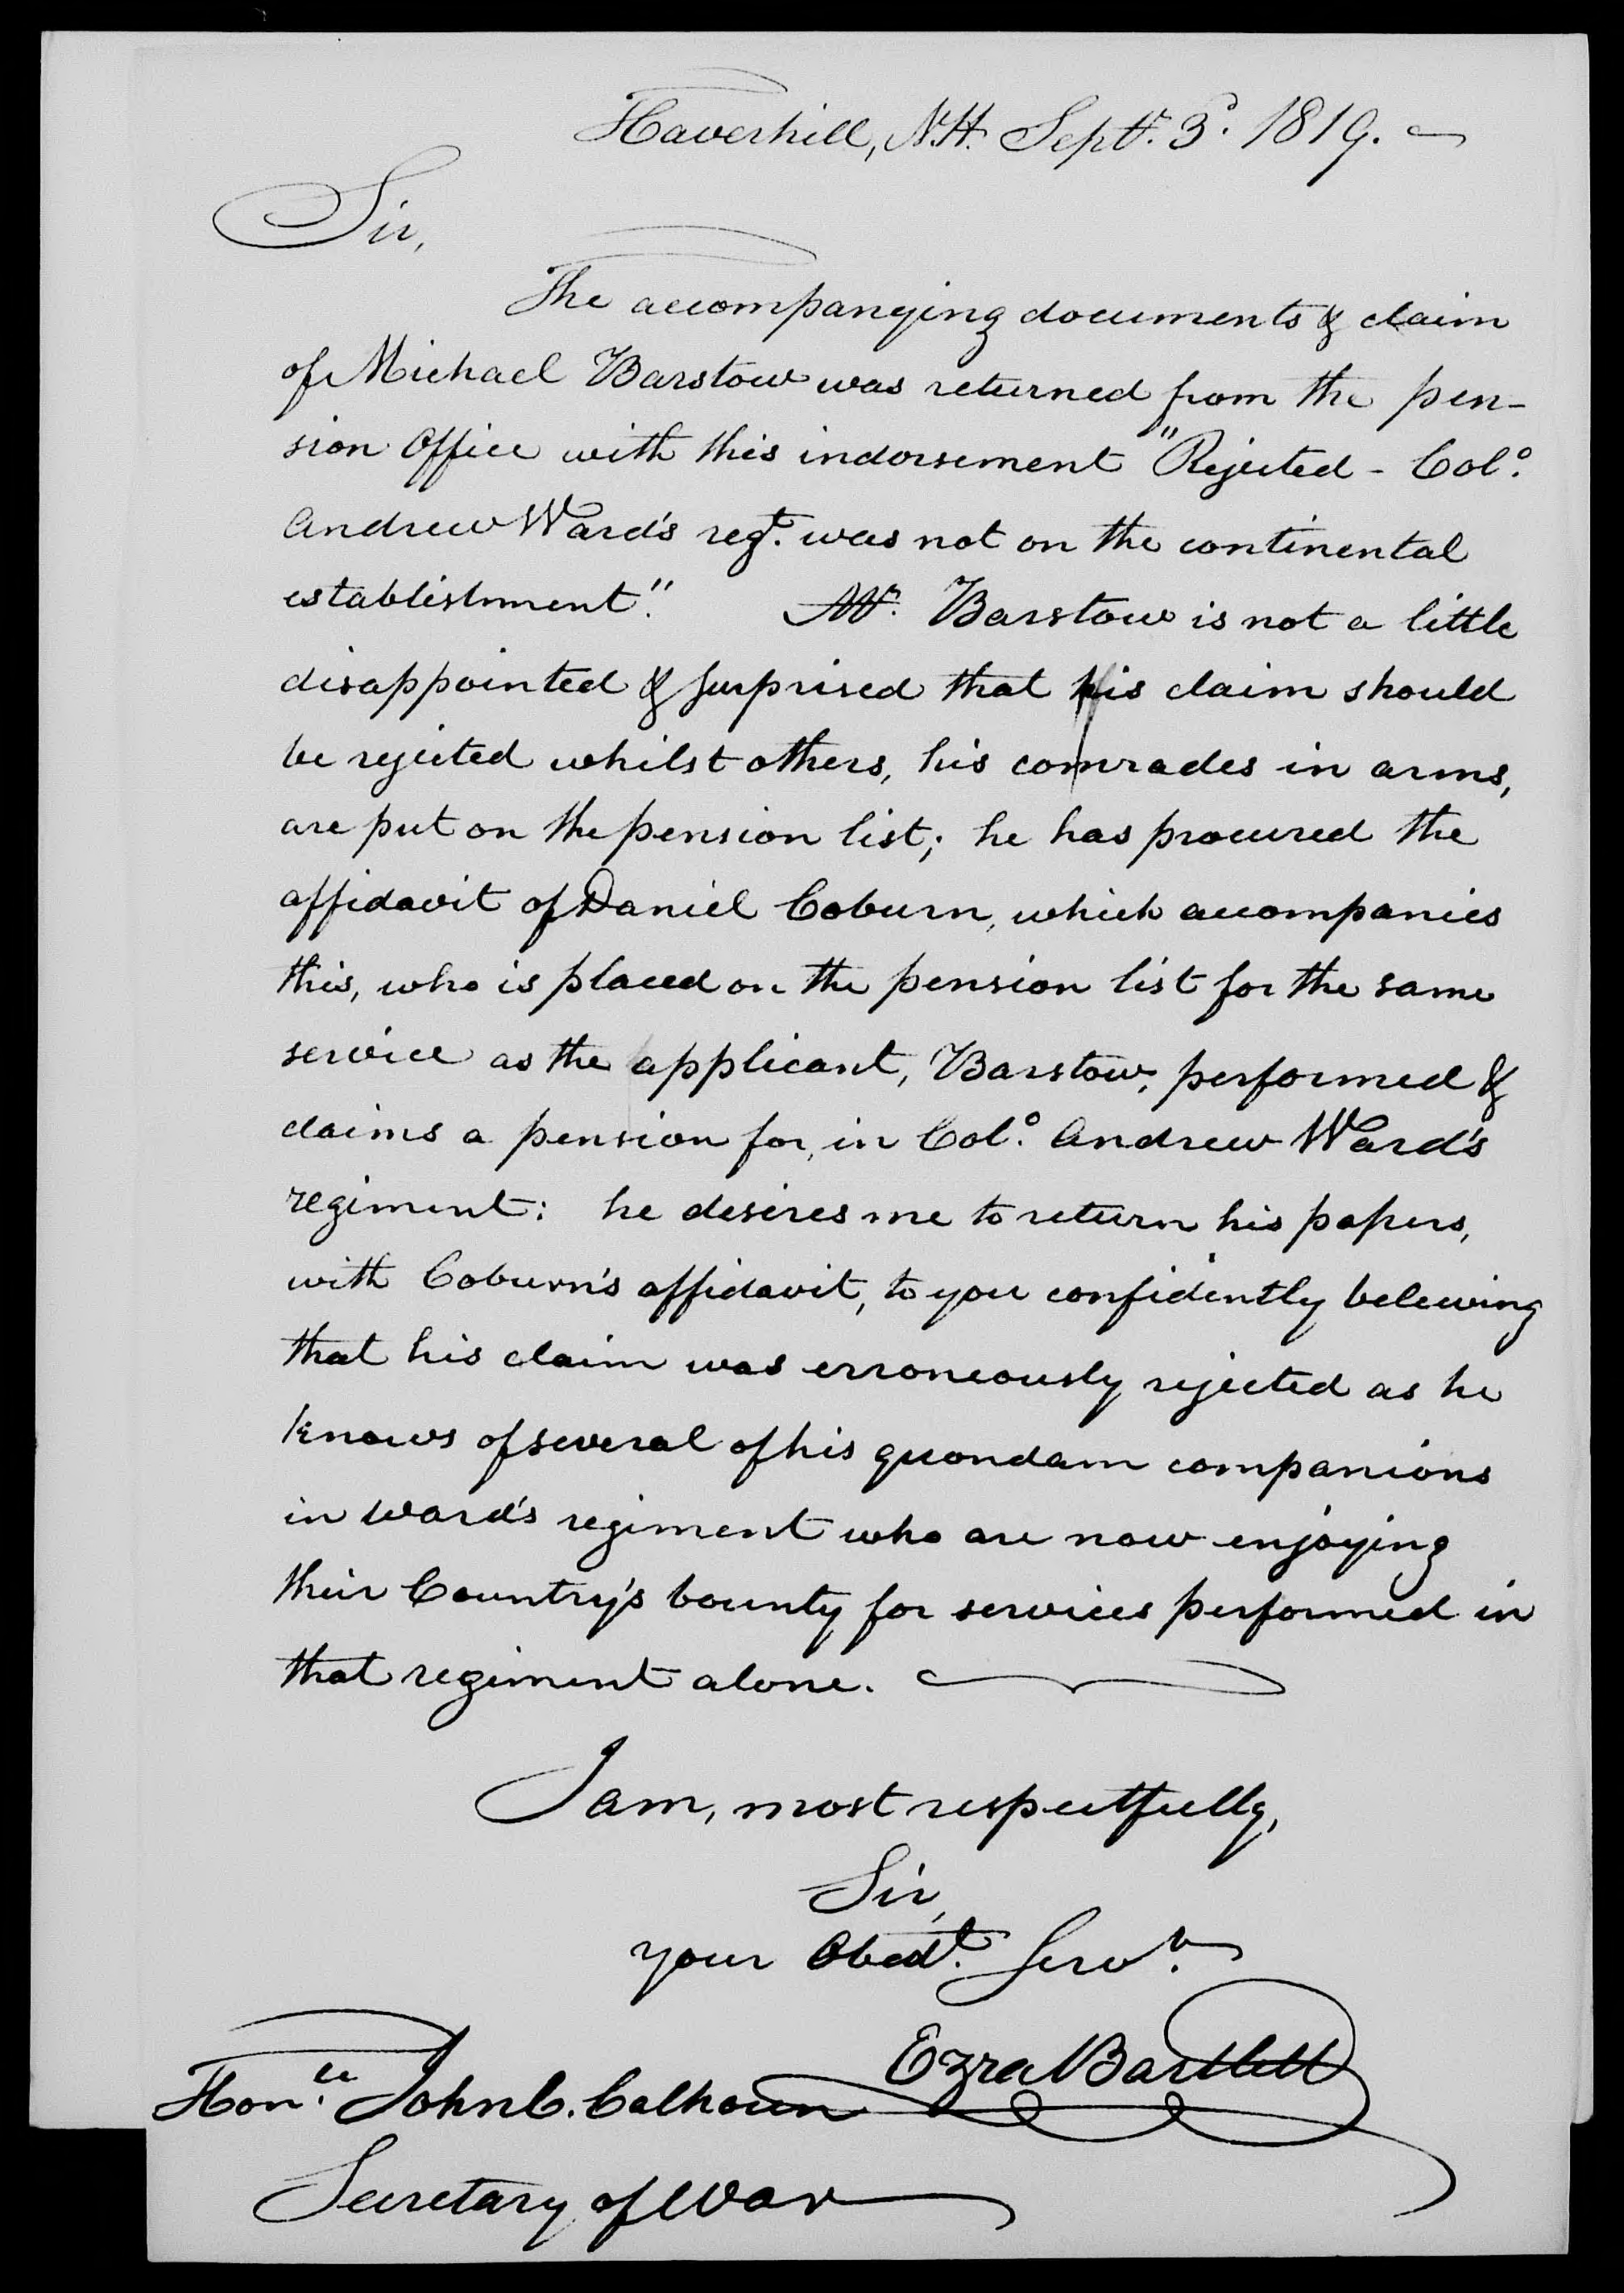Haverhill, N H Sept 3, 1819

Sir,
The accompanying documents and claim of Michael Barstow was returned from the pension office with this endorsement "Rejected Col. Andrew Ward's regt was not on the continental establishment."   Mr. Barstow is not a little disappointed and surprised that his claim should be rejected whilst others, his comrades in arms, are put on the pension list; he has procured the affidavit of Daniel Coburn, which accompanies this, who is placed on the pension list for the same service as the applicant Barstow performed and claims a pension for in Col. Andrew Ward's regiment; he desire me to return his papers with Coburn's affidavit to you confidently believing that his claim was erroneously rejected as he knows several of his [illegible] companions in Ward's regiment who are now enjoying their country's bounty for services performed in that regiment alone.
I am, most respectfully, Sir,
your obedt servt
Ezra Bartlett

Hon. John C. Calhoun
Secretary of War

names: John C Calhoun, Barstow, Michael Barstow, Daniel Coburn, Barstow, Ezra Bartlett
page: 21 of 22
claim: survivor's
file: S. 45,519, Michael Barstow, Conn.